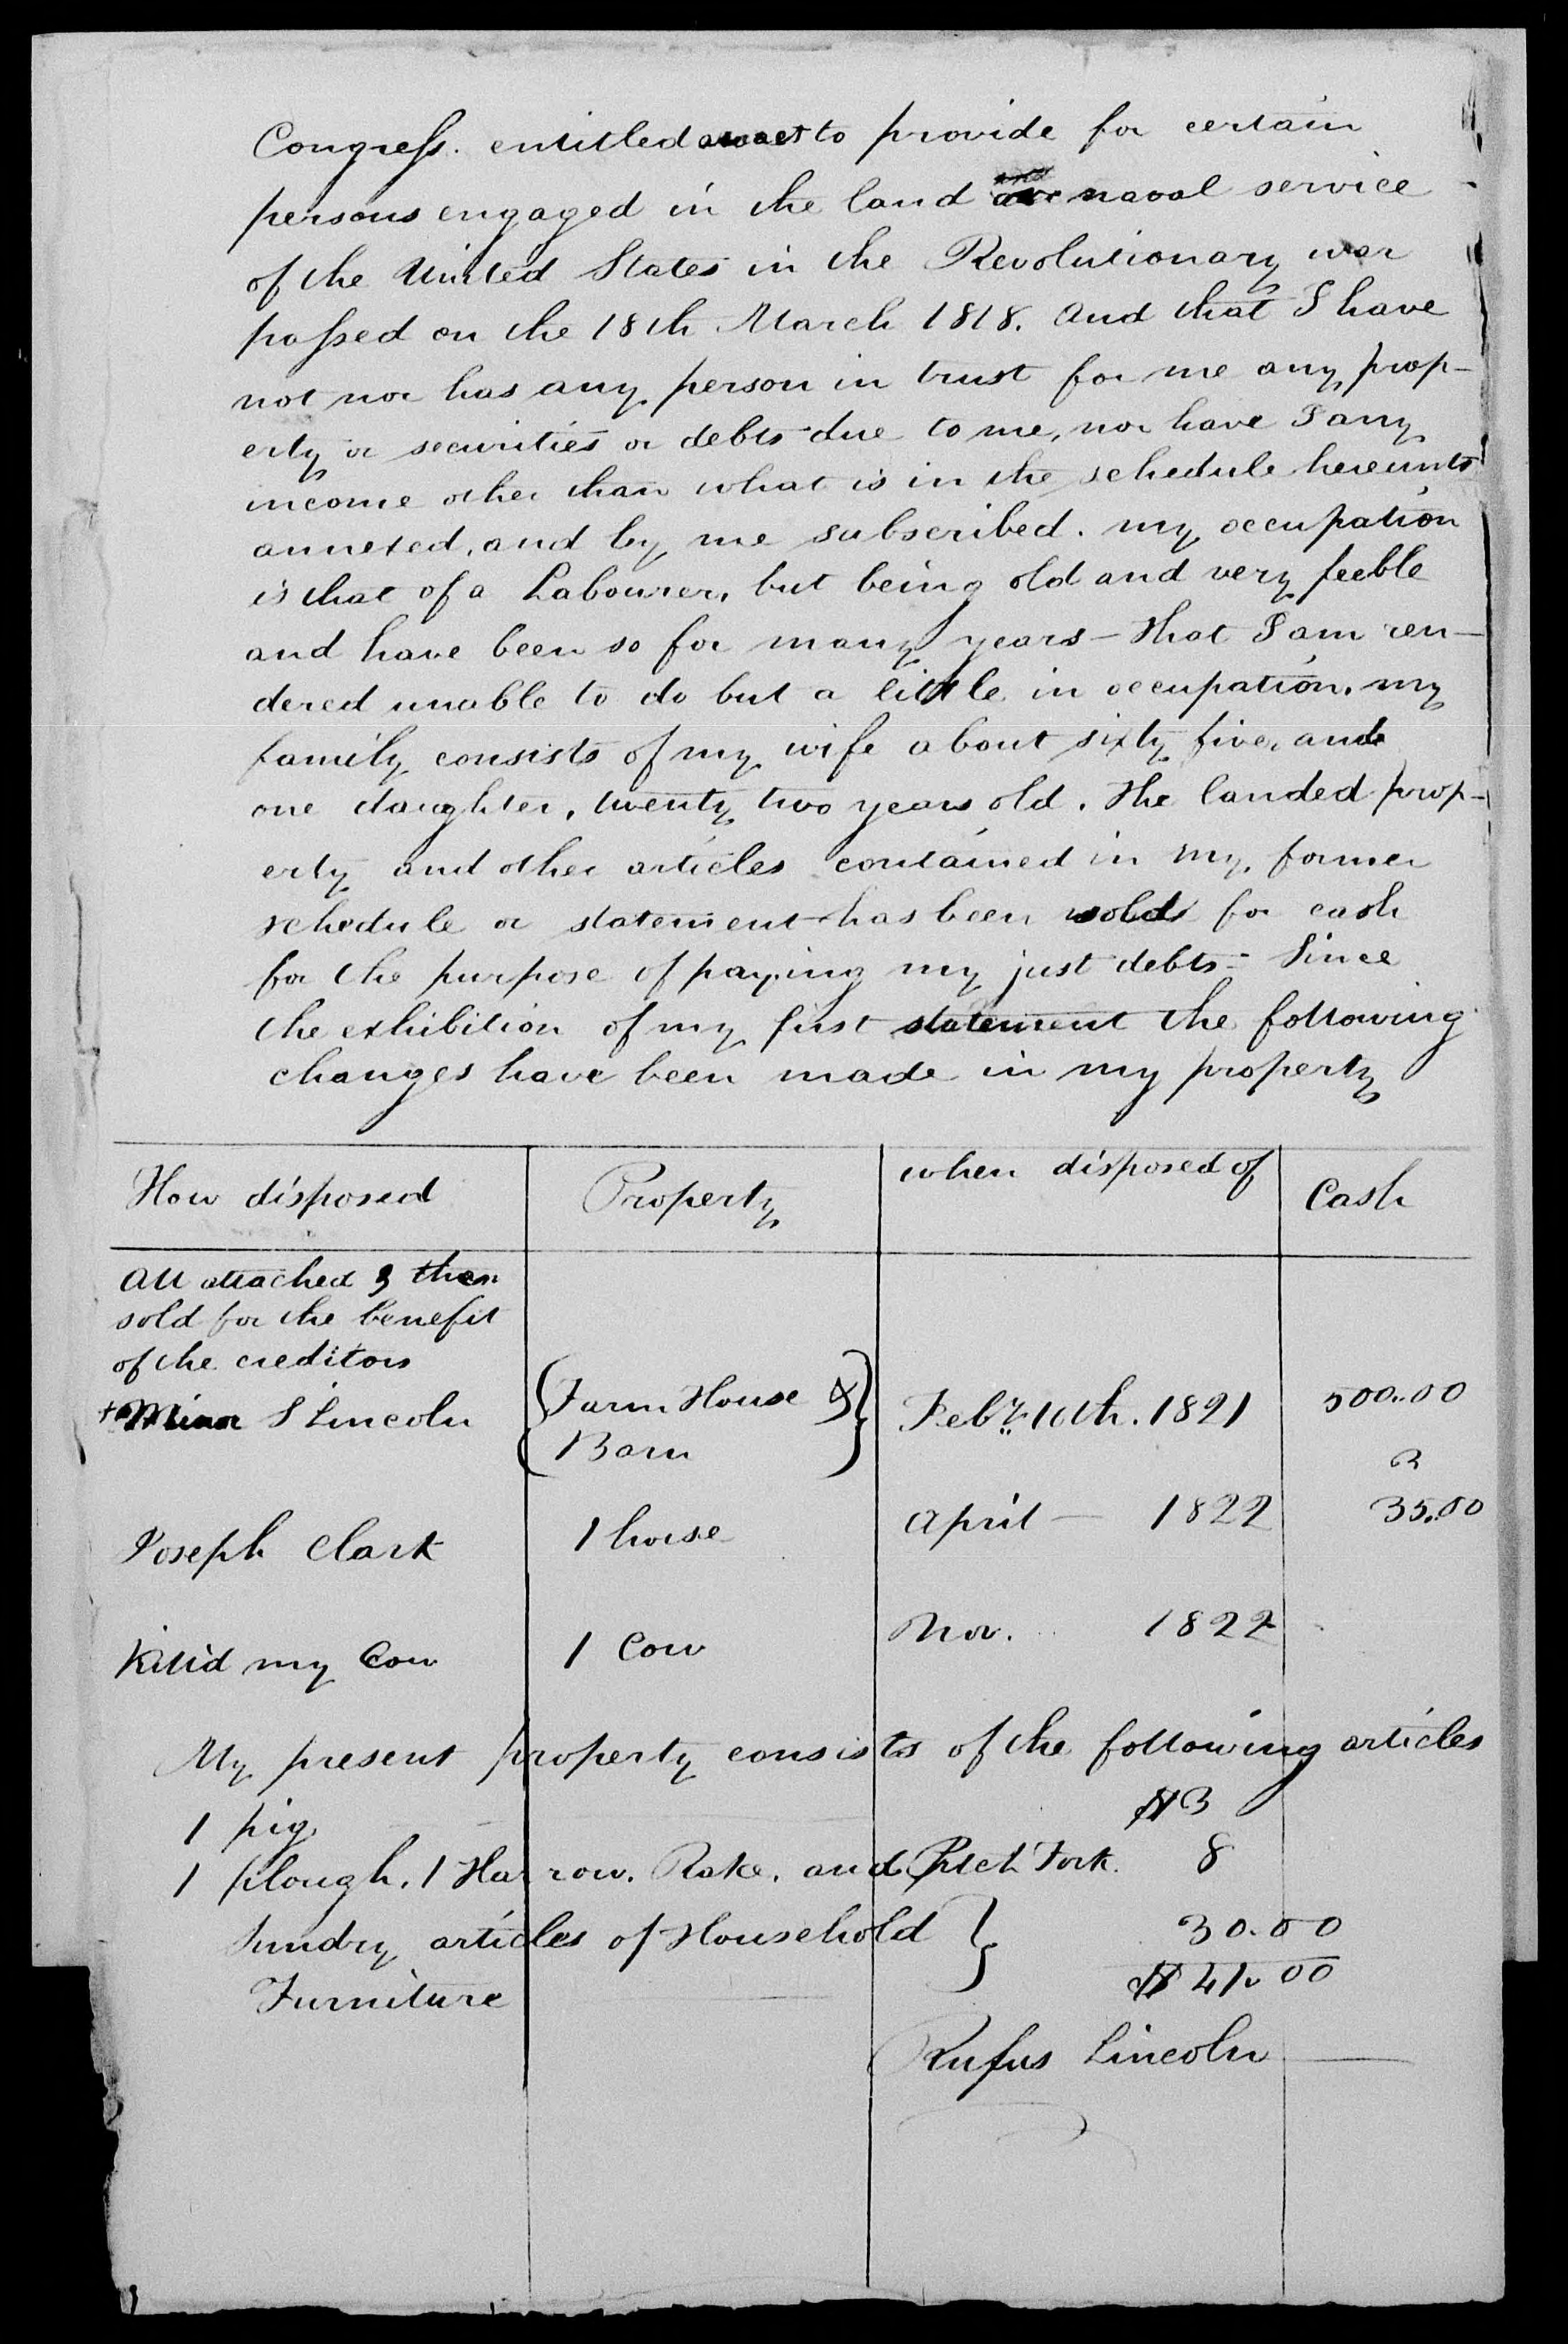Congress entitled an act to provide for certain
persons engaged in the land and naval service
of the United States in the Revolutionary war
passed on the 18th March 1818 and that I have not nor has any person in trust for me any property or securities or debts due to me, nor have any income other than what is in the schedule hereunto annexed and by me subscribed. My occupation is that of a labourer, but being old and very feeble
and have been so for many years - that I am
rendered unable to do but a little in occupation. My family consists of my wife about sixty five and one daughter, twenty two years old. The landed property and other articles contained in my former schedule or statement has been sold for cash
for the purpose of paying my just debts. Since
the exhibition of my first statement the following changes have been made in my property.
[ How disposed ]
all attached & then
sold for the benefit
of the creditors &
Minor S Lincoln--

[Property]                      [Cash]
Farm House & Barn       500.00
                                           &
1 Horse                            35.00                           
1 Cow

[when disposed of]
Feby 10th 1821
April - 1822
Nov. - 1822
Joseph Clark
kiled my com
-

My present property consists of the following
1 pig   $3
1 Plough, 1 Harrow,Rake and Pitch Fork  $8

Sundry articles of Household Furniture} 30.00
                                                               ________
                                                                 $41.00

Rufus Lincoln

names: Rufus Lincoln; Minor S Lincoln; Joseph Clark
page: 55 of 82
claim: widow's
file: W. 13,634, for Rufus Lincoln, Massachusetts